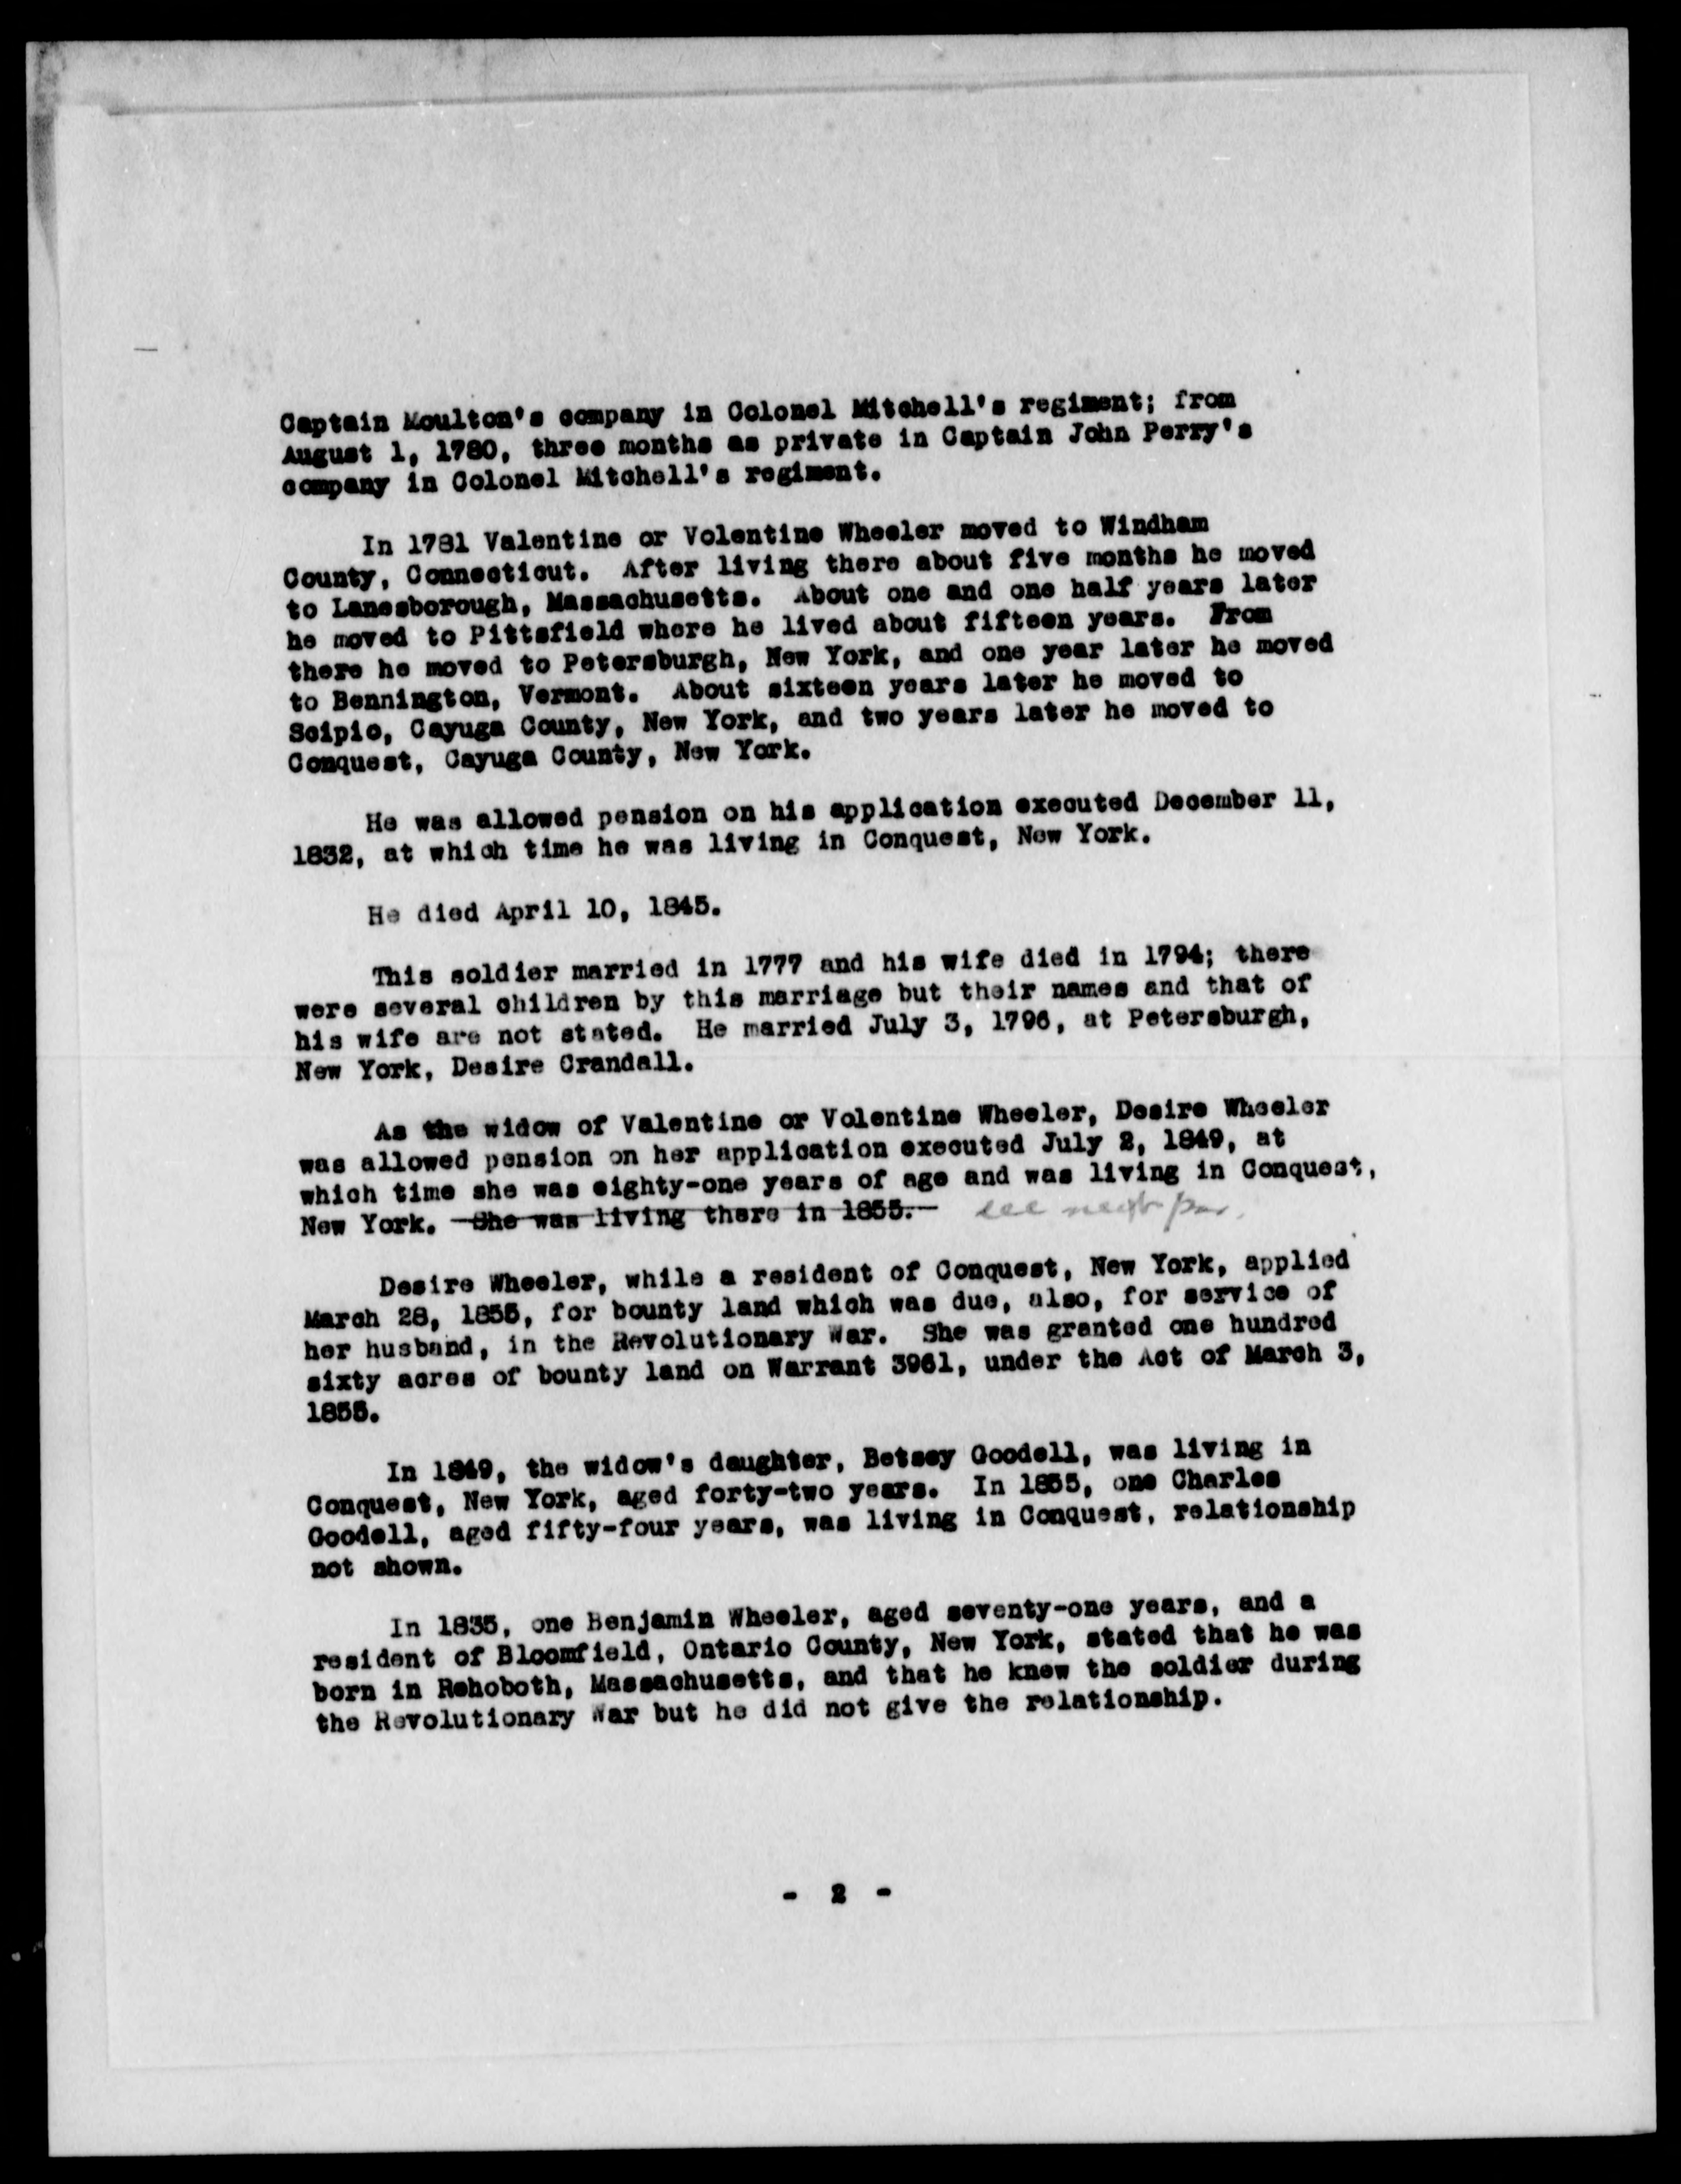Captain Moulton's company in Colonel Mitchell's regiment; from August 1, 1780, three months as private in Captain John Perry's company in Colonel Mitchell's regiment.
In 1781 Valentine or Volentine Wheeler moved to Windham County, Connecticut. After living there about five months he moved to Lanesborough, Massachusetts. About one and one half years later he moved to Pittsfield where he lived about fifteen years. From there he moved to Petersburgh, New York, and one year later he moved to Bennington, Vermont. About sixteen years later he moved to Scipio, Cayuga County, New York, and two years later he moved to Conquest, Cayuga County, New York.
He was allowed pension n his application executed December 11, 1832, at which time he was living in Conquest, New York.
He died April 10, 1845.
This soldier married in 1777 and his wife died in 1794; there were several children by this marriage but their names and that of his wife are not stated. He married July 3,1796, at Petersburgh, New York, Desire Crandall.
As the widow of Valentine or Volentine Wheeler, Desire Wheeler was allowed pension on her application executed July 2, 1849, at which time she was eighty-one years of age and was living in Conquest, New York.
Desire Wheeler, while a resident of Conquest, New York, applied for bounty land which was due, also, for service of her husband, in the Revolutionary War. She was granted one hundred sixty acres of bounty land on Warrant 3961, under the Act of March 3, 1855.
In 1849, the widow's daughter, Betsey Goodell, was living in Conquest, New York, aged forty-two years. In 1855, one Charles Goodell aged fifty-four years was living in Conquest, relationship not shown.
In 1835, one Benjamin Wheeler, aged seventy-one years, and a resident of Bloomfield, Ontario County, New York, stated that he was born in Rehoboth, Massachusetts, and that he the soldier during the Revolutionary War but he did not give the relationship.
-2-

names: Valentine Wheeler, Benjamin Wheeler, Volentine Wheeler, Charles Goodell, Desire Crandall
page: 30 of 98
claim: widow's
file: W. 1682, Valentine Wheeler, Mass.